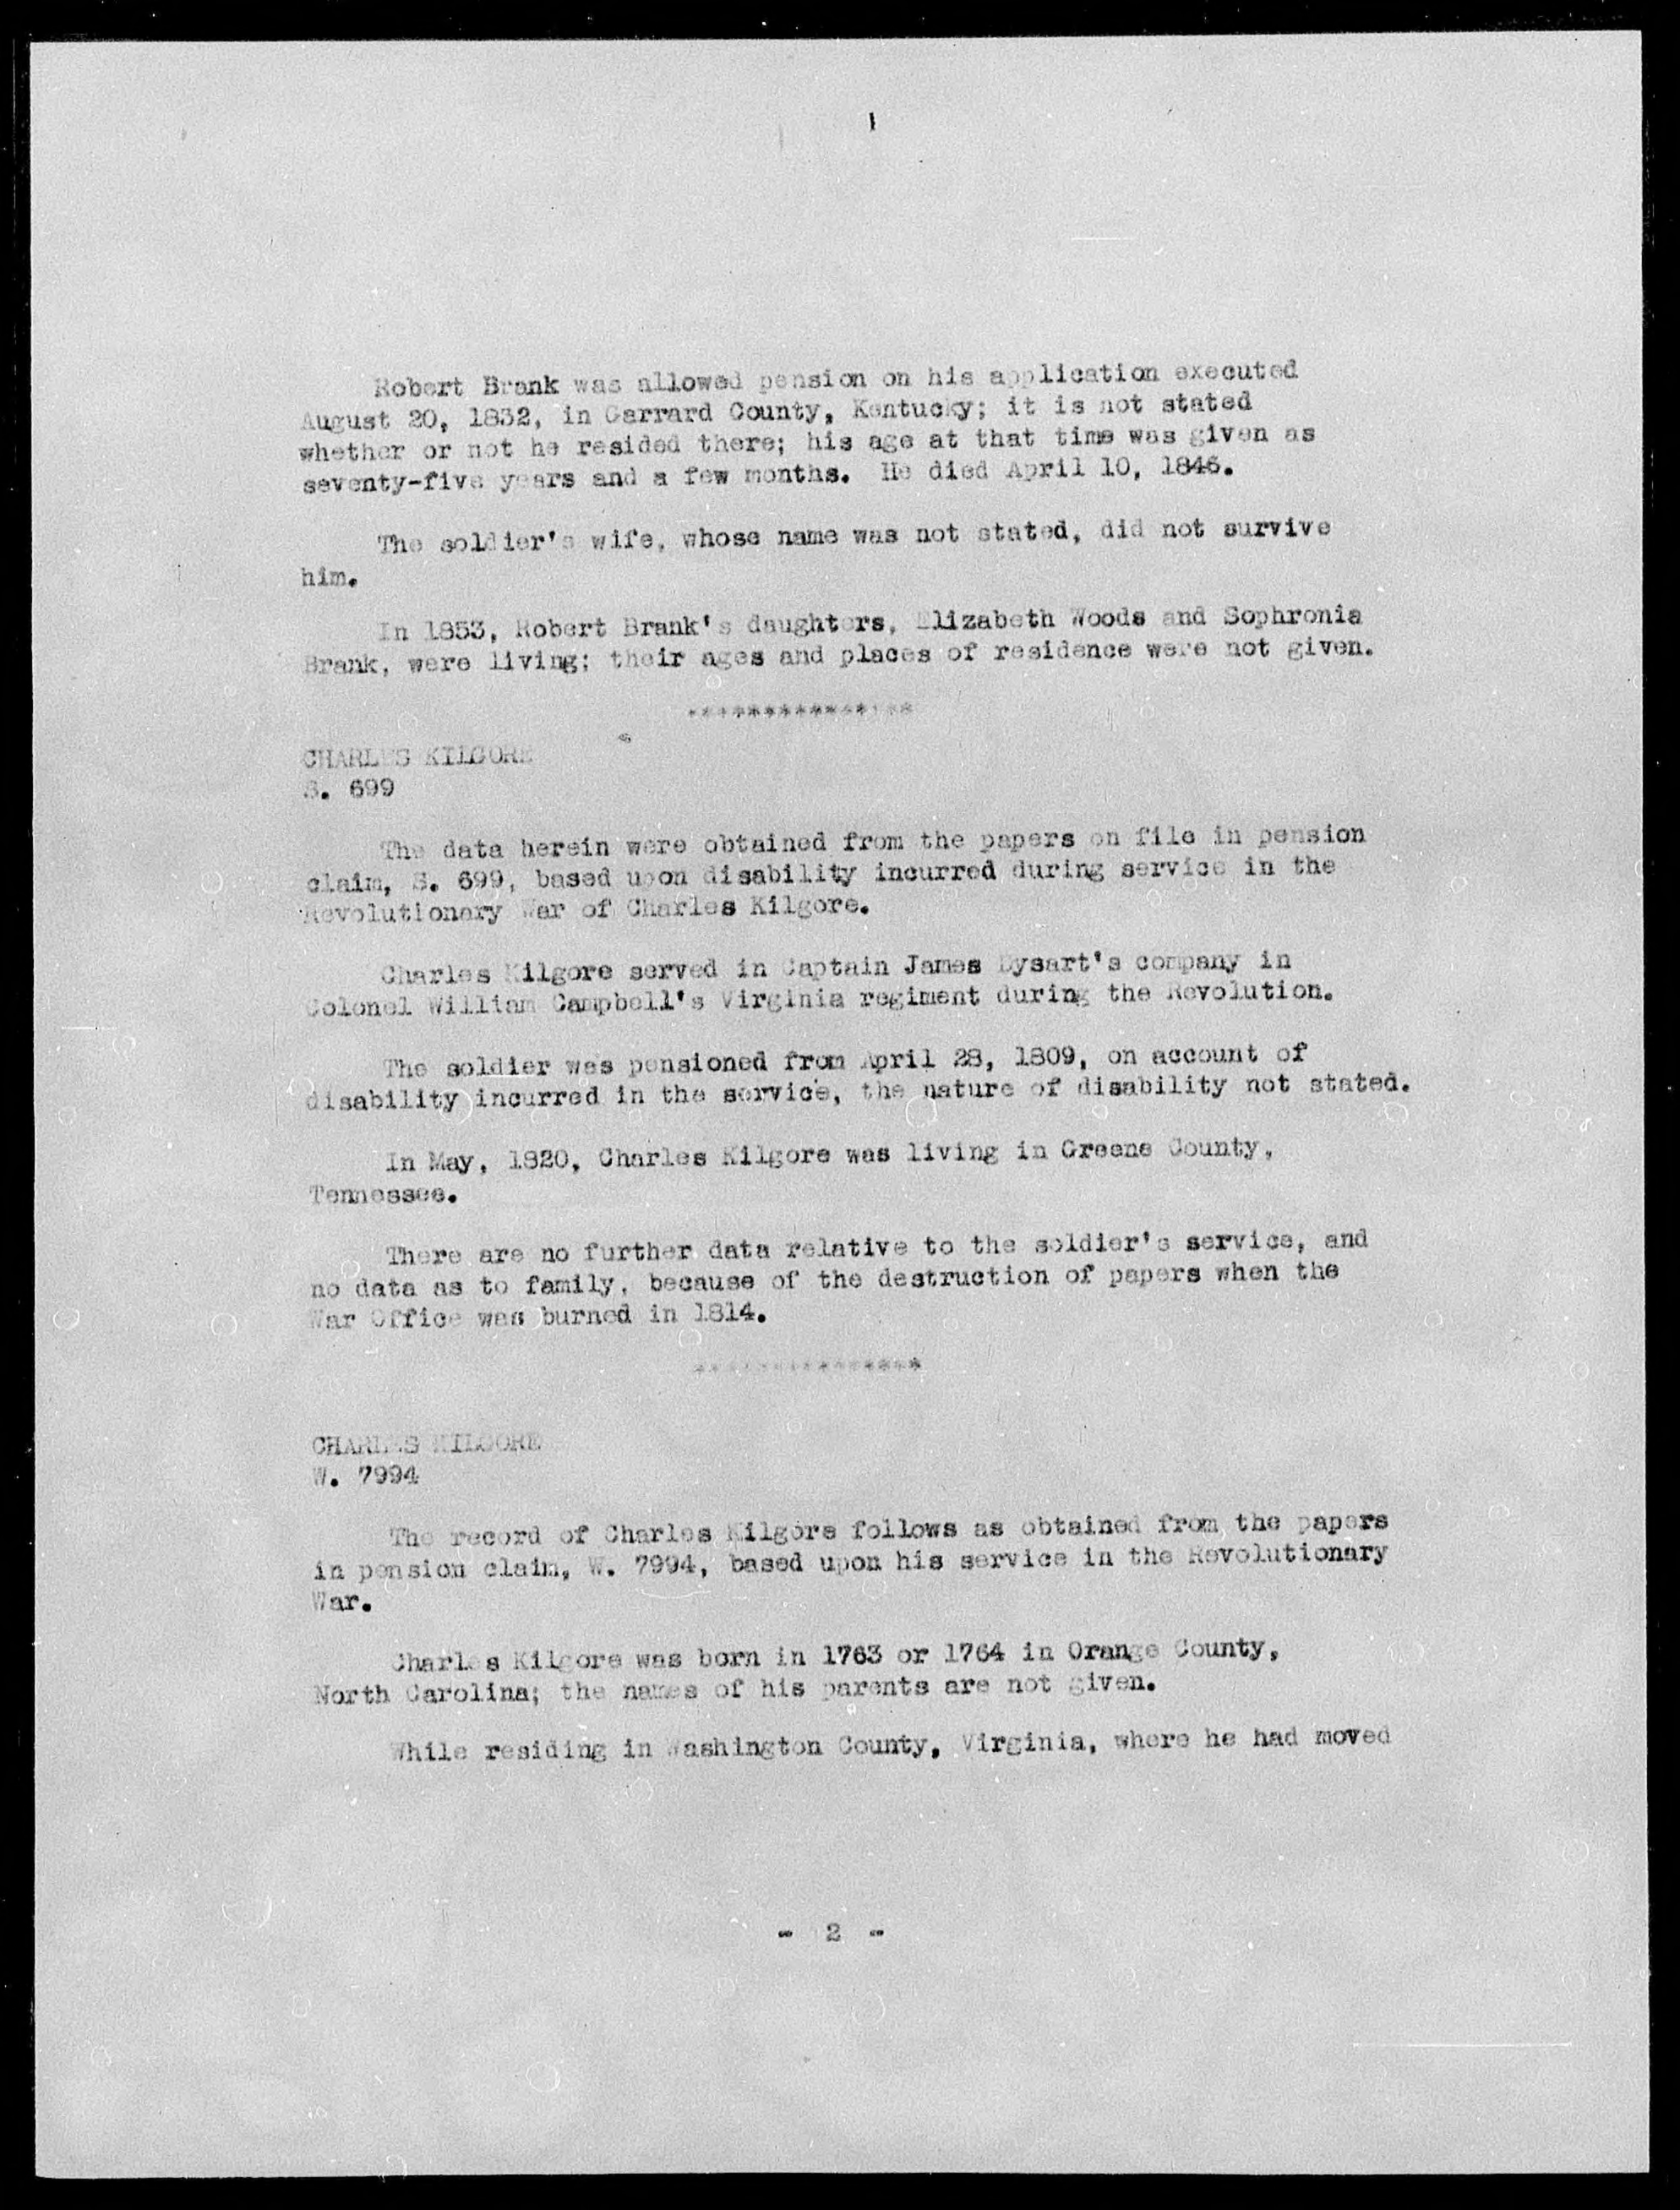Robert Brank was allowed pension on his application executed August 20, 1832, in Garrard County, Kentucky; it is not stated whether or not he resided there; his age at that time was given as seventy-five years and a few months. He died April 10, 1846.
The soldier's wife, whose name was not stated, did not survive him.
In 1853, Robert Brank's daughters, Elizabeth Woods and Sophronia Brank, were living; their ages and places of residence were not given.

CHARLES KILGORE
S. 699
The data herein were obtained from the papers on file in pension claim, S. 699, based upon disability incurred during service in the Revolutionary War of Charles Kilgore.
Charles Kilgore served in Captain James Dysart's company in Colonel William Campbell's Virginia regiment during the Revolution.
The soldier was pensioned from April 28, 1809, on account of disability incurred in the service, the nature of disability not stated.
In May, 1820, Charles Kilgore was living in Greene County, Tennessee.
There are no further data relative to the soldier's service, and no data as to family, because of the destruction of papers when the War Office was burned in 1814.

CAHRLES KILGORE
W. 7994
The record of Charles Kilgore follows as obtained from the papers in pension claim, W. 7994, based upon his service in the Revolutionary War.
Charles Kilgore was born in 1763 or 1764 in Orange County, North Carolina; the names of his parents are not given.
While residing in Washington County, Virginia, where he had moved

- 2 -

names: Robert Brank; Charles Kilgore; Elizabeth Woods; Sophronia Brank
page: 97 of 115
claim: survivor's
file: S. 699, for Charles Kilgore, Virginia